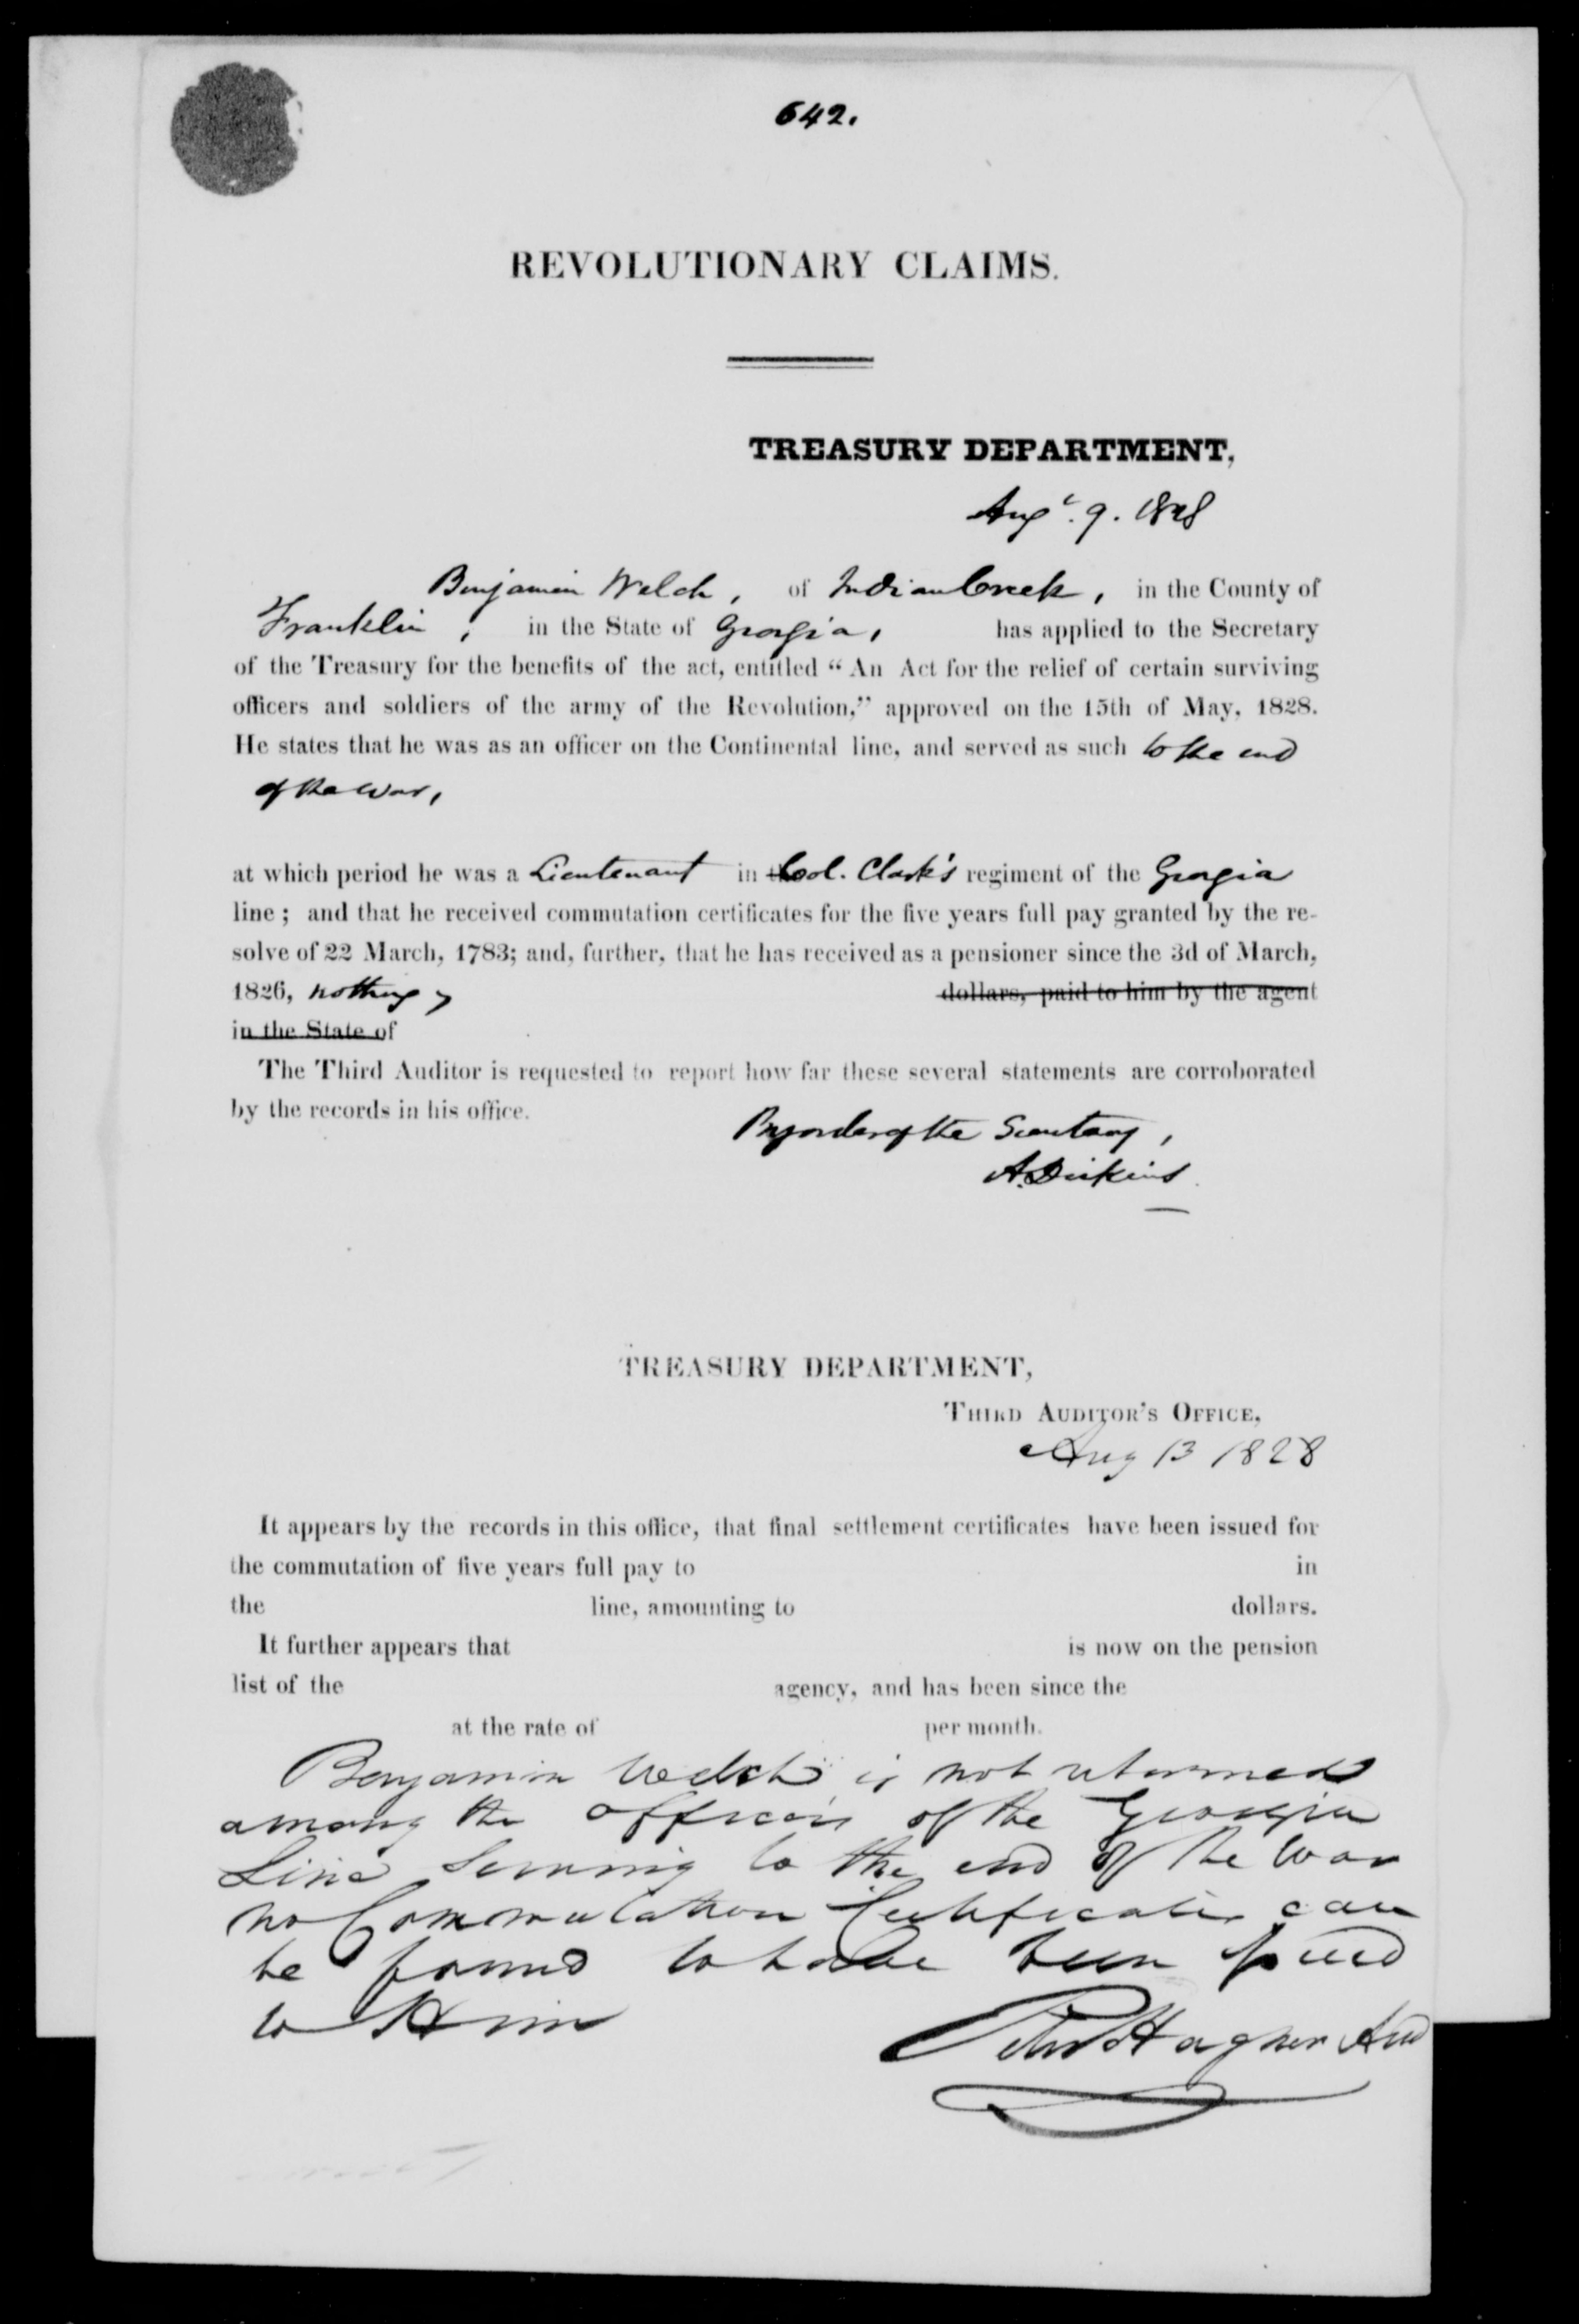642.
REVOLUTIONARY CLAIMS.
TREASURY DEPARTMENT.
Augt. 9. 1828
Benjamin Welch, of Indian Creek, in the County of Franklin, in the State of Georgia, has applied to the Secretary of the Treasury for the benefits of the act, entitled "An Act for the relief of certain surviving officers and soldiers of the army of the Revolution,” approved on the 15th of May, 1828. He states that he was as an officer on the Continental line, and served as such to the end of the war, at which period he was a Lieutenant in Col. Clark's regiment of the Georgia line; and that he received commutation certificates for the five years full pay granted by the resolve of 22 March, 1783; and, further, that he has received as a pensioner since the 3d of March, 1826, nothing
[dollars, paid him by the agent in the State of - all stricken]
The Third Auditor is requested to report how far these several statements are corroborated
by the records in his office.
By order of the Secretary,
A. Dickins
the
TREASURY DEPARTMENT.
THIRD AUDITOR'S OFFICE,
Aug 13 1828
It appears by the records in this office, that final settlement certificates have been issued for the commutation of five years full pay to __________ in the __________ line amounting to __________ dollars. 
It further appears that __________ is now on the pension list of the __________ agency, and has been since the __________ at the rate of __________ per month.
Benjamin Welch is not returned among the officers of the Georgia Line serving to the end of the war no commutation certificate can be found to have been issued to him
Peter Hagner Aud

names: Benjamin Welch, A Dickins, Peter Hagner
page: 10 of 23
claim: rejected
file: R. 20,446, Benjamin Welch, Ga.